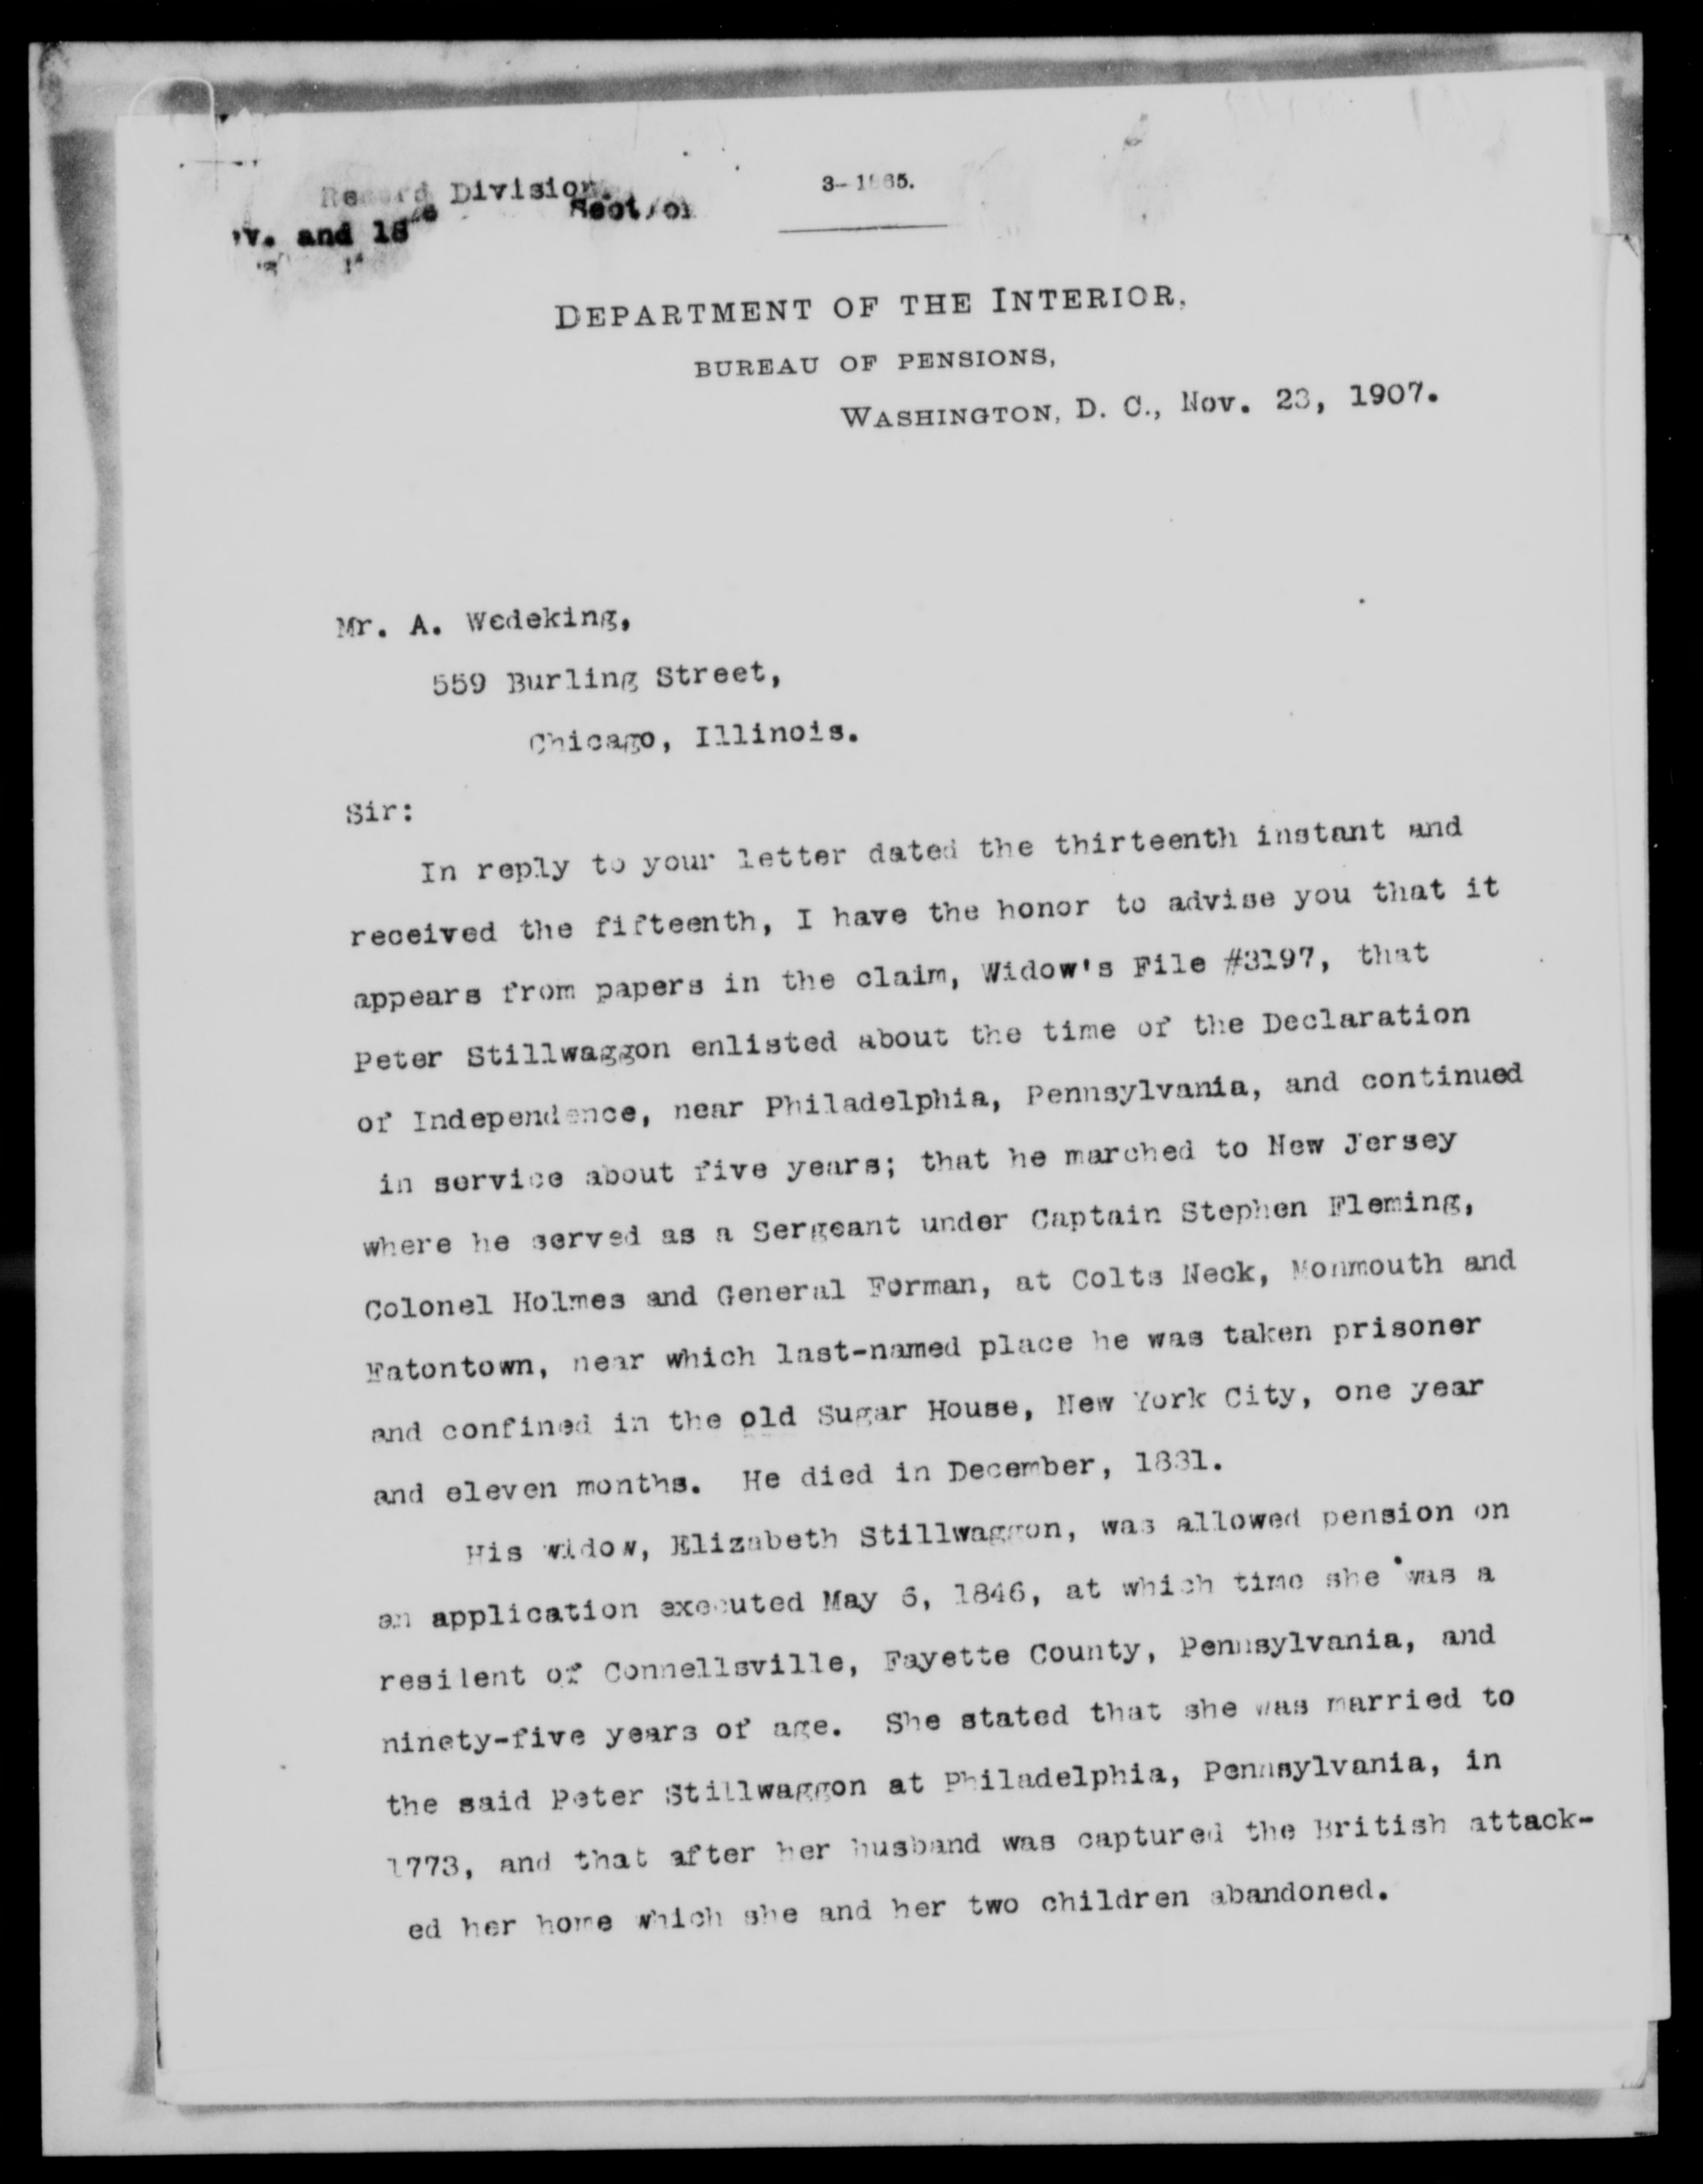Record Division
[illegible} V. and 1[either 6 or 8] [illegible]   3- 1[illegible numeral]65

Department of the Interior
Bureau of Pensions,
Washington, D. C., Nov. 25, 1907

Mr. A. Wedeking,
559 Burling Street
Chicago, Illinois

Sir:

In reply to your letter dated the thirteenth instant and received the fifteenth, I have the honor to advise you that it appears from papers in the claim, Widow’s Fil #3197, that Peter Stillwaggon enlisted about the time of the Declaration of Independence, near Philadelphia, Pennsylvania, and continued in service about five years that he marched to New Jersey where he served as a sergeant under Captain  Stephen Fleming, Colonel Holmes and General Forman, at Colts Neck, Monmouth and Eatontown, near which last-named place he was taken prisoner and confined in the old Sugar House, New York City, one year and eleven months. He died in December 1831.

His widow, Elizabeth Stillwaggon, was allowed pension on an application executed May 6, 1846, at which time she was a resident of Connellsville, Fayette County, Pennsylvania, and ninety-five years of age. She stated that she was married to the said Peter Stillwaggon at Philadelphia, Pennsylvania, in 1773, and that after her husband was captured the British attached her home which she and her two children abandoned.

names: [BLANK] Forman; [BLANK] Holmes; Peter Stillwaggon; Elizabeth Stillwaggon; A Wedeking; Stephen Fleming; Peter Stillwaggon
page: 67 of 73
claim: widow's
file: W. 3197, for Peter Stillwagon, New Jersey